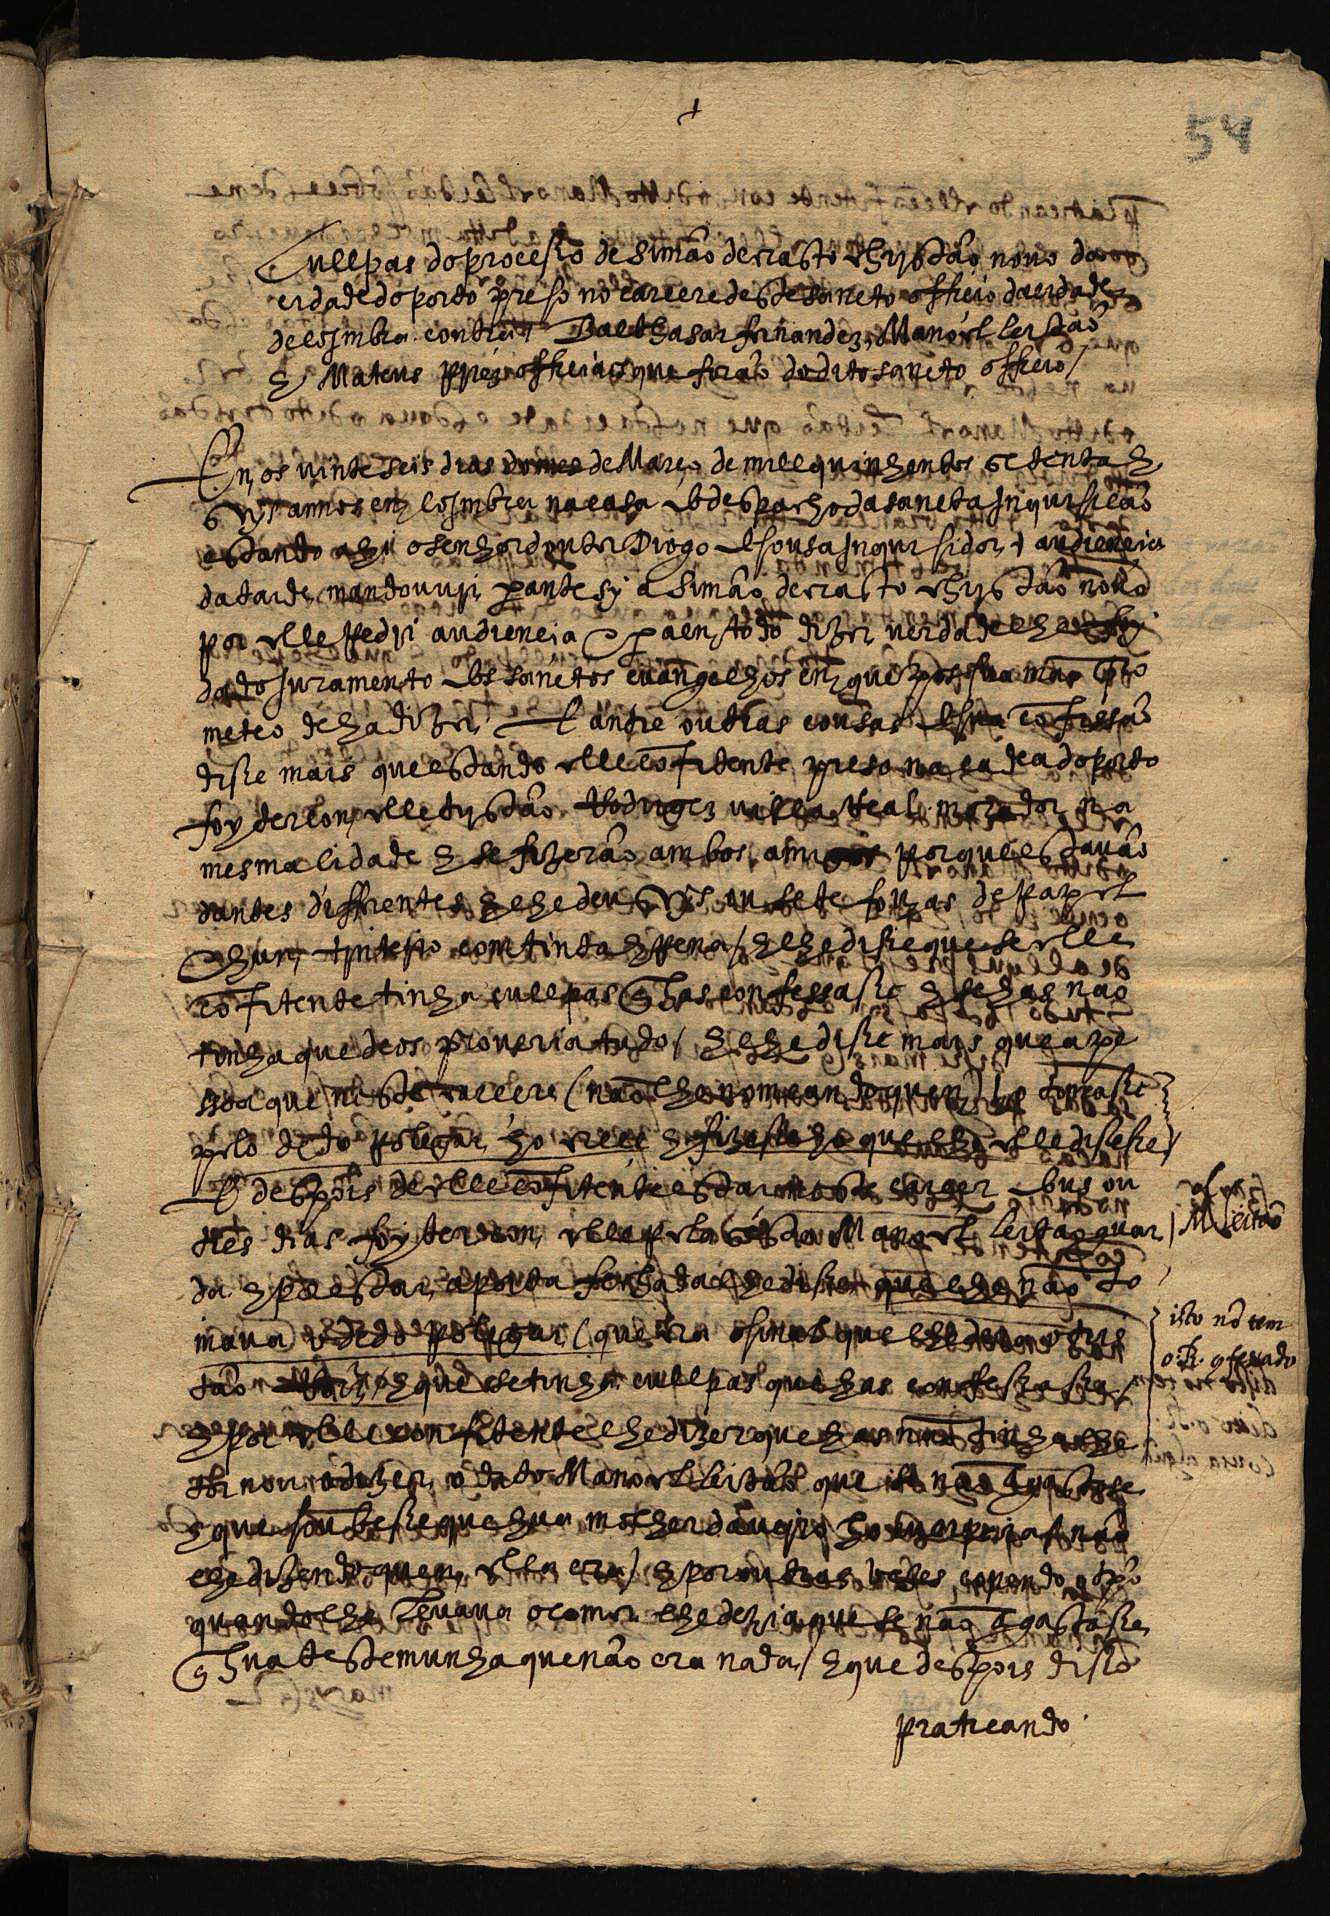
Cullpas do processo de Simão de crasto christaõ nouo da
cidade do porto preso no carcere deste sancto officio da cidade
de cojmbra contra Balthasar fernandez Manoel leitaõ
E Mateus pjrez officiaes que forão do dito sancto officio /
Em os uinte seis dias do mes de Março de mill quinhentos setenta E
seys annos em coJmbra na casa do despacho da sancta Jnquisição
estando ahi o senhor doutor Diogo de Sousa Jnquisidor ē audiencia
da tarde mandou uir ꝑante sy a Simão de crasto christaõ nouo
por elle pedir audiencia e ꝑa em todo dizer uerdade lhe foy
dado Juramento dos sanctos euangelhos em que pos sua mão pro
meteo de ha dizer E antre outras cousas de sua cōfissaõ
disse mais que estando elle cōfitente preso na cadea do porto
foy ter com elle tristão Rodrigez nella Real morador na
mesma cidade E se fizeraõ ambos amigos porque estauão
dantes diffrentes E lhe deu seys ou sete folhas de papeL
e hum tjntejro com tinta E pena / E lhe disse que se elle
cōfitente tinha cullpas q̄ has confessase E se as não
tinha que deos proueria tudo / E lhe disse mais que a pe
ssoa que neste carcere / não lhe nomeando quem ho tomasse
pelo dedo polegar ho crece E fizesse ho que lhe elle dissesse
E despois de elle cōfitente estar neste carcer dous ou
Mel leitaõ
tres dias foy ter com elle pela sesta Manoel leitao guar
da E por estar a porta fechada lhe disse que lhe não to
isto nō tem
o R. ꝯfessado
maua o dedo polegar (que era o sinal que lhe dera tris
tão Roīz) E que se tinha cullpas que has confessasse
E por elle confitente lhe dizer que has não tinha lhe
tornou a dizer o dito Manoel leitão que se não agastase
E que soubesse que hua molher dauejro ho cullpara naõ
lhe dizendo quem ella era / E por outras vezes correndo o tp̄o
quando lhe Leuaua o comer lhe dezia que se não agastasse
q̄ hua testemunha que não era nada / E que despois disso
praticando
